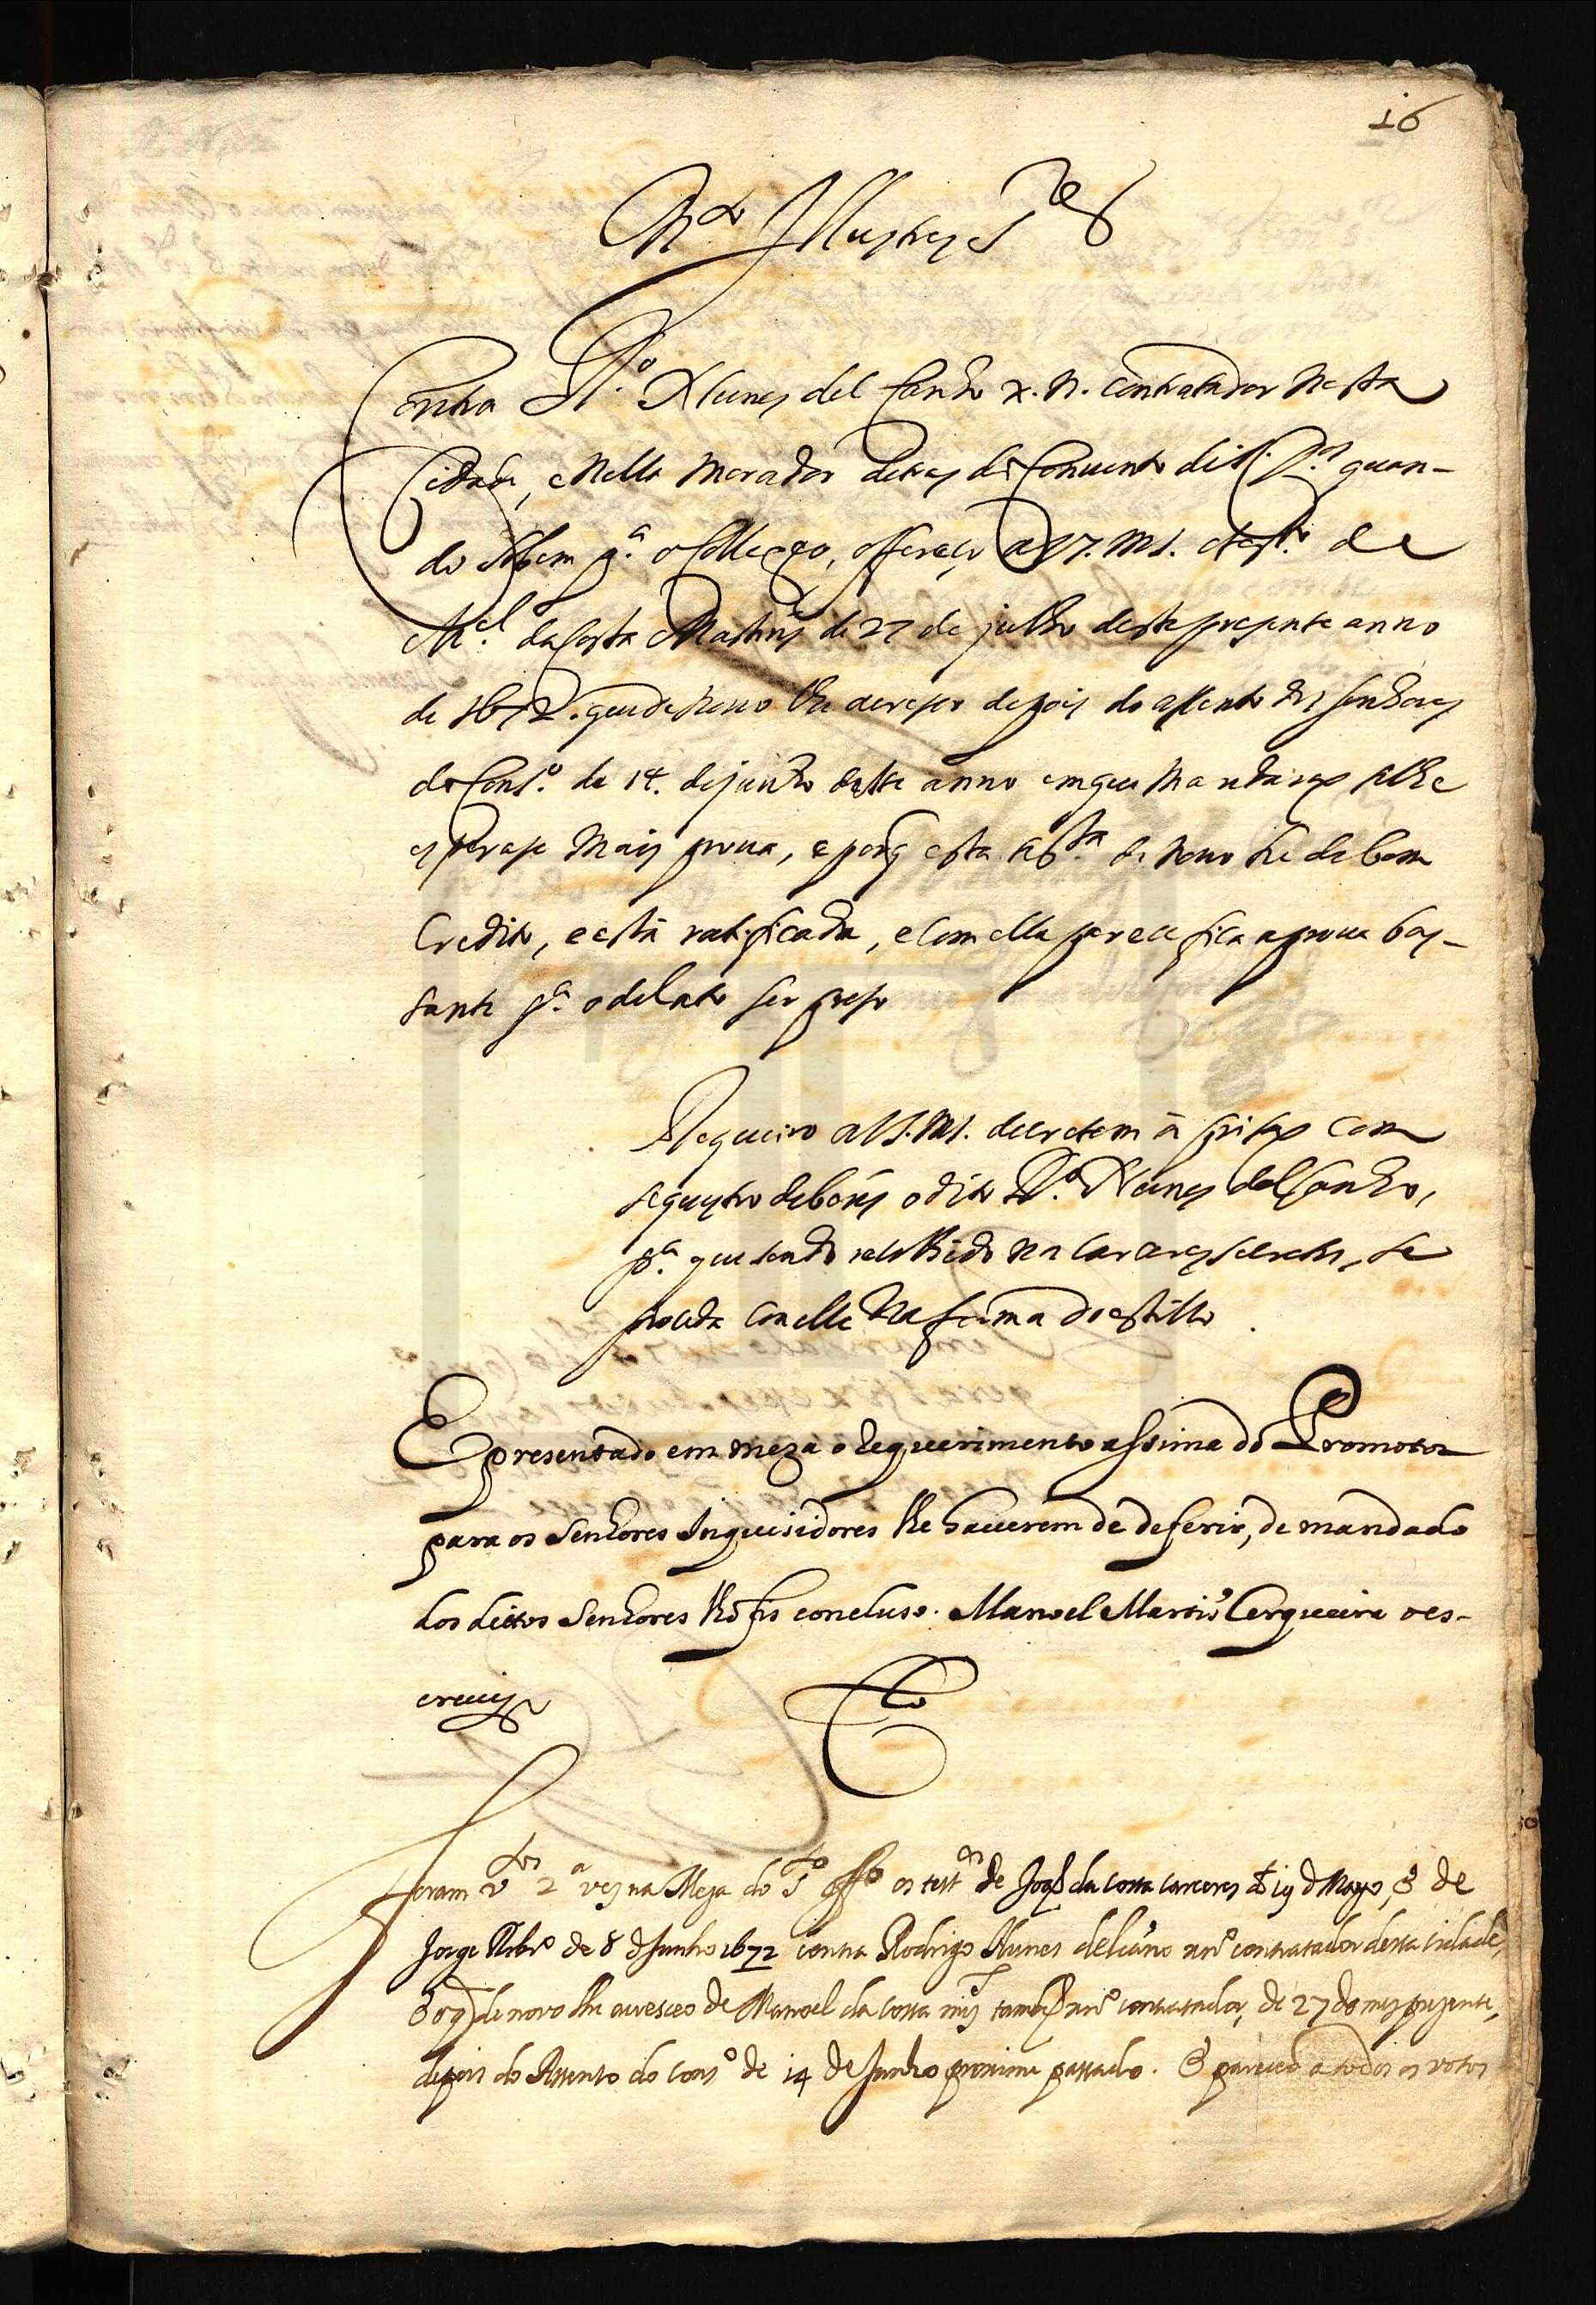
16
M.to Jllustres Sres
Contra R.o Nunes del Canho x. n. contratador nesta
Cidade, e nella morador detras do Conuento de S. D.os quan
do sobem p.a o Collegeo, offereço a vs. ms. o tes.to de
M.el da Costa Martins de 27 de julho deste presente anno
de 1672. que de nouo lhe acresce depois do assento dos senhores
do Cons.o de 14 de junho deste anno em que mandaraõ se lhe
esperase Mais proua, e porq̄ esta tes.ta de nouo he de bom
Credito, e está ratificada, e com ella parece fica a proua bas
tante p.a o delato ser preso
Requeiro a Vs. ms. decretem a prisaõ com
sequestro de ben̄s o dito R.o Nunes del Canho,
p.a que sendo recolhido nos carceres secretos, se
proceda con elle na forma do estillo
E presentado em meza o Requerimento assima do Promotor
para os Senhores Inquisidores lhe hauerem de deferir, de mandado
dos dittos Senhores lho fis concluso. Manoel Martis̄ Cerqueira o es
creui
Clo
foram vtos 2.a vez na Meza do sto off.o os testos de Joaõ da costa carceres d̄ 19 d Mayo, E de
Jorge Ribro de 8 de Junho 1672 contra Rodrigo Nunes del can̄o xno contratador desta cidade,
E o q̄ de novo lhe acresceo de Manoel da Costa miz̄ tambē xno contratador, de 27 do mez prezente
depois do Assento do Conso de 14 de Junho proxime passado. E pareceo a todos os votos
